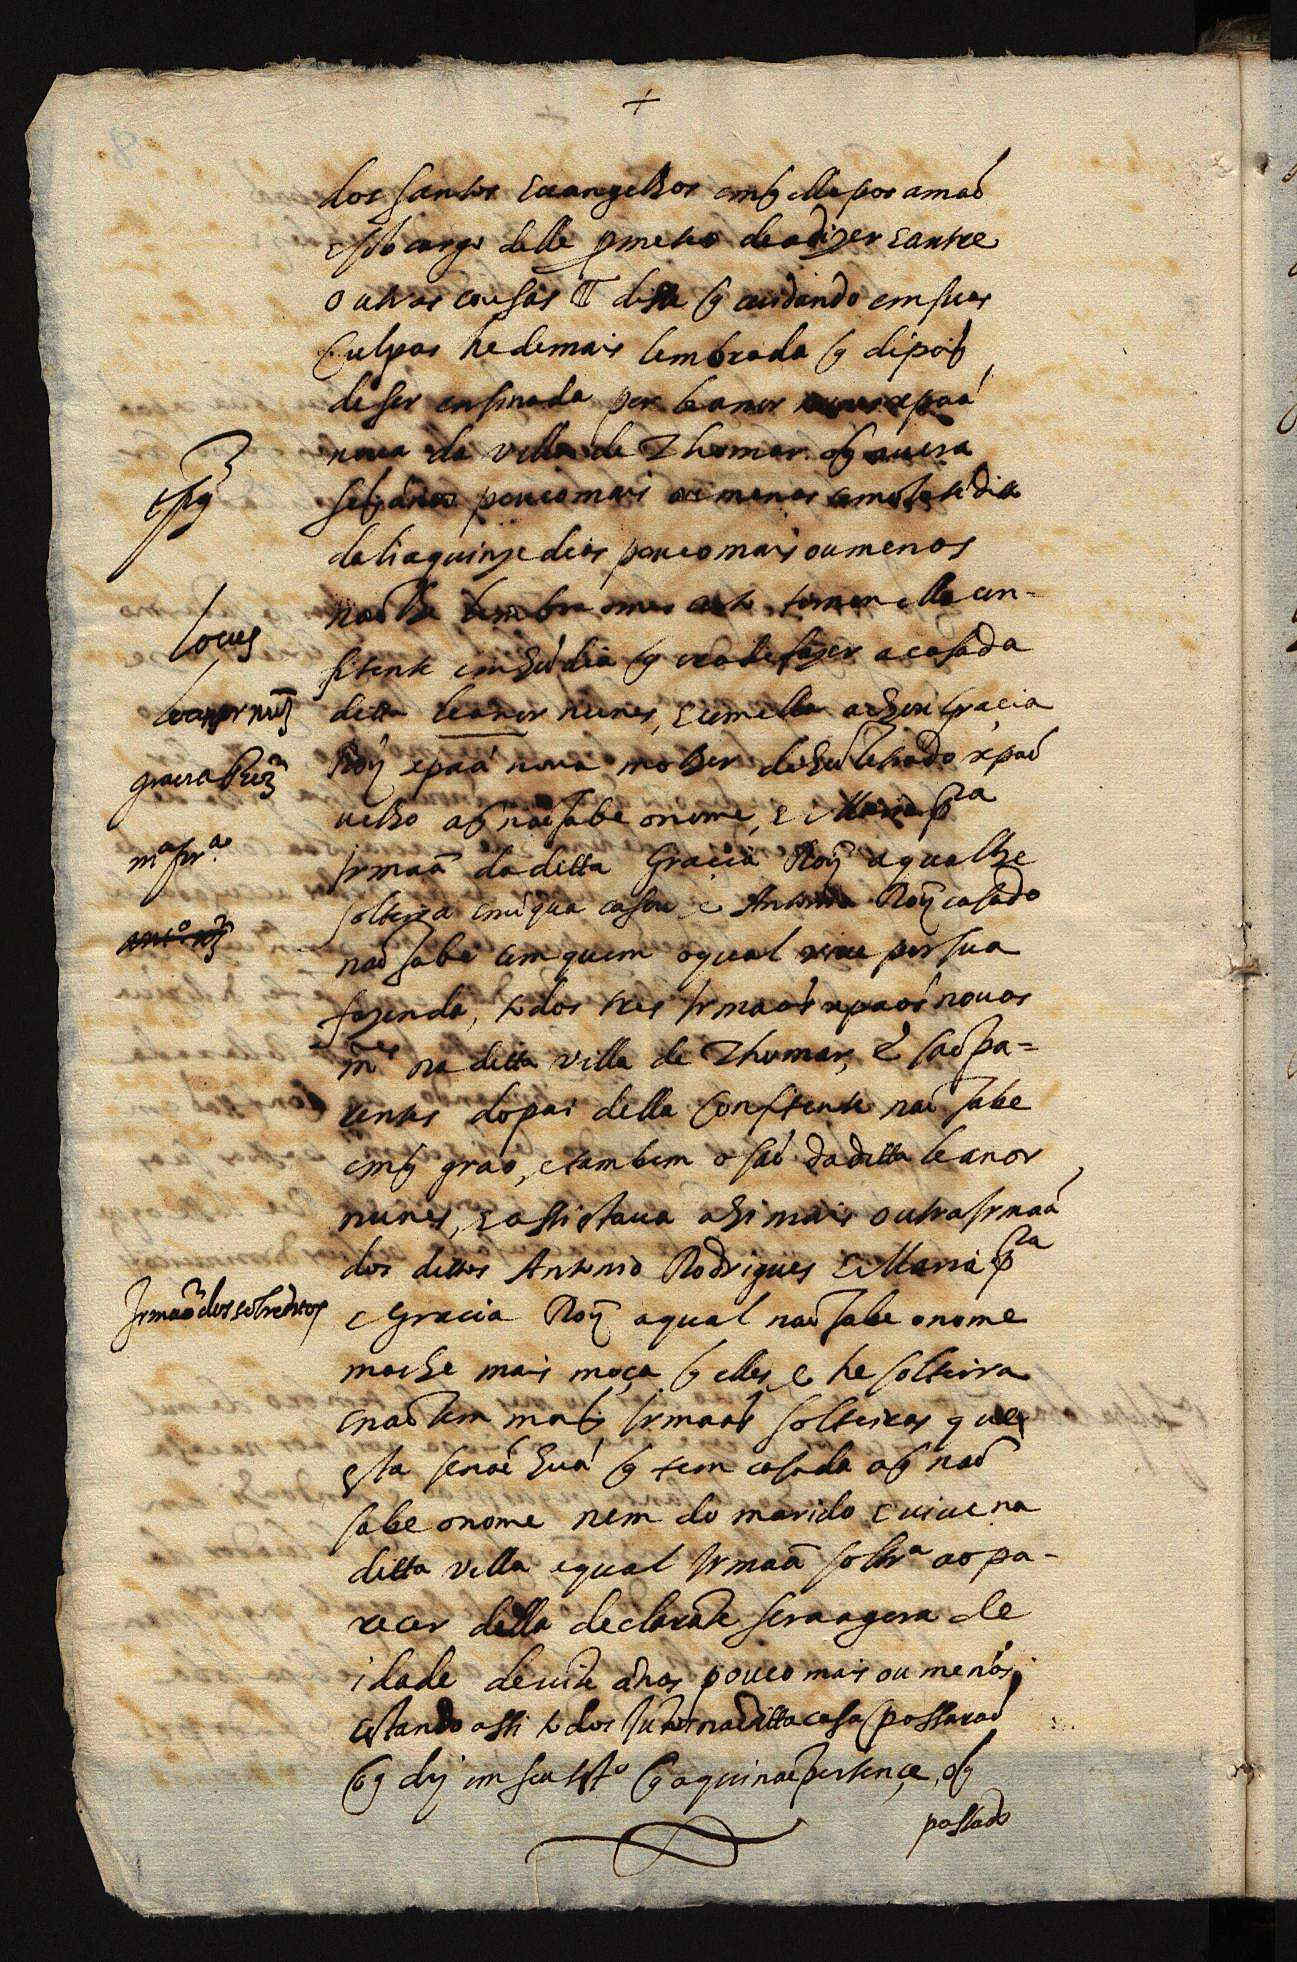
dos santos Euangelhos em q̄ ella pos a maõ
E sob cargo delle ꝓmeteo de a dizer E antre
outras cousas ⁋ disse q̄ cuidando em suas
Culpas he de mais lembrada q̄ dipois
de ser ensinada por Leanor nunes xpaā
noua da villa de Thomar o q̄ auera
seis ānos pouco mais ou menos como se tē dito
tpꝯ̄
dali a quinze dias pouco mais ou menos
naõ lhe lembra o mes acto tomou ella con
locus
fitente em hū dia q̄ era de fazer a casa da
ditta Leanor nunes, E com ella achou Gracia
Leanor mīz
Roiz̄ xpaā noua molher de hū letrado xpaõ
gracia Roz̄
uelho a q̄ naõ sabe o nome, E Maria pra
ma pr.a
jrmaā da ditta Gracia Roiz̄ a qual he
solteira e nūqua casou e Antonio Roiz̄ casado
anto roz̄
naõ sabe com quem o qual viue por sua
fazenda, todos tres Jrmaõs xpaõs nouos
mes na ditta villa de Thomar, e saõ pa
rentes do pai della Confitente naõ sabe
em q̄ grao, e tambem o saõ da ditta Leanor
nunes, E assi estaua ahi mais outra Jrmaā
dos dittos Antonio Rodrigues E Maria pra
Jrmaõ dos sobreditos
e Gracia Roīz a qual naõ sabe o nome
mas he mais moça q̄ elles e he solteira
o naõ tem mais Irmaãs solteiras que
esta senaõ huā q̄ tem casada a q̄ naõ
sabe o nome, nem do marido e uiue na
ditta villa a qual Irmaã soltra ao pa
recer della declarāte sera agora de
jdade de uīte anos pouco mais ou menos
Estando assi todos Jūtos na ditta casa (passaraõ
o q̄ diz em seu testo q̄ aqui nao pertence o q̄
passado
